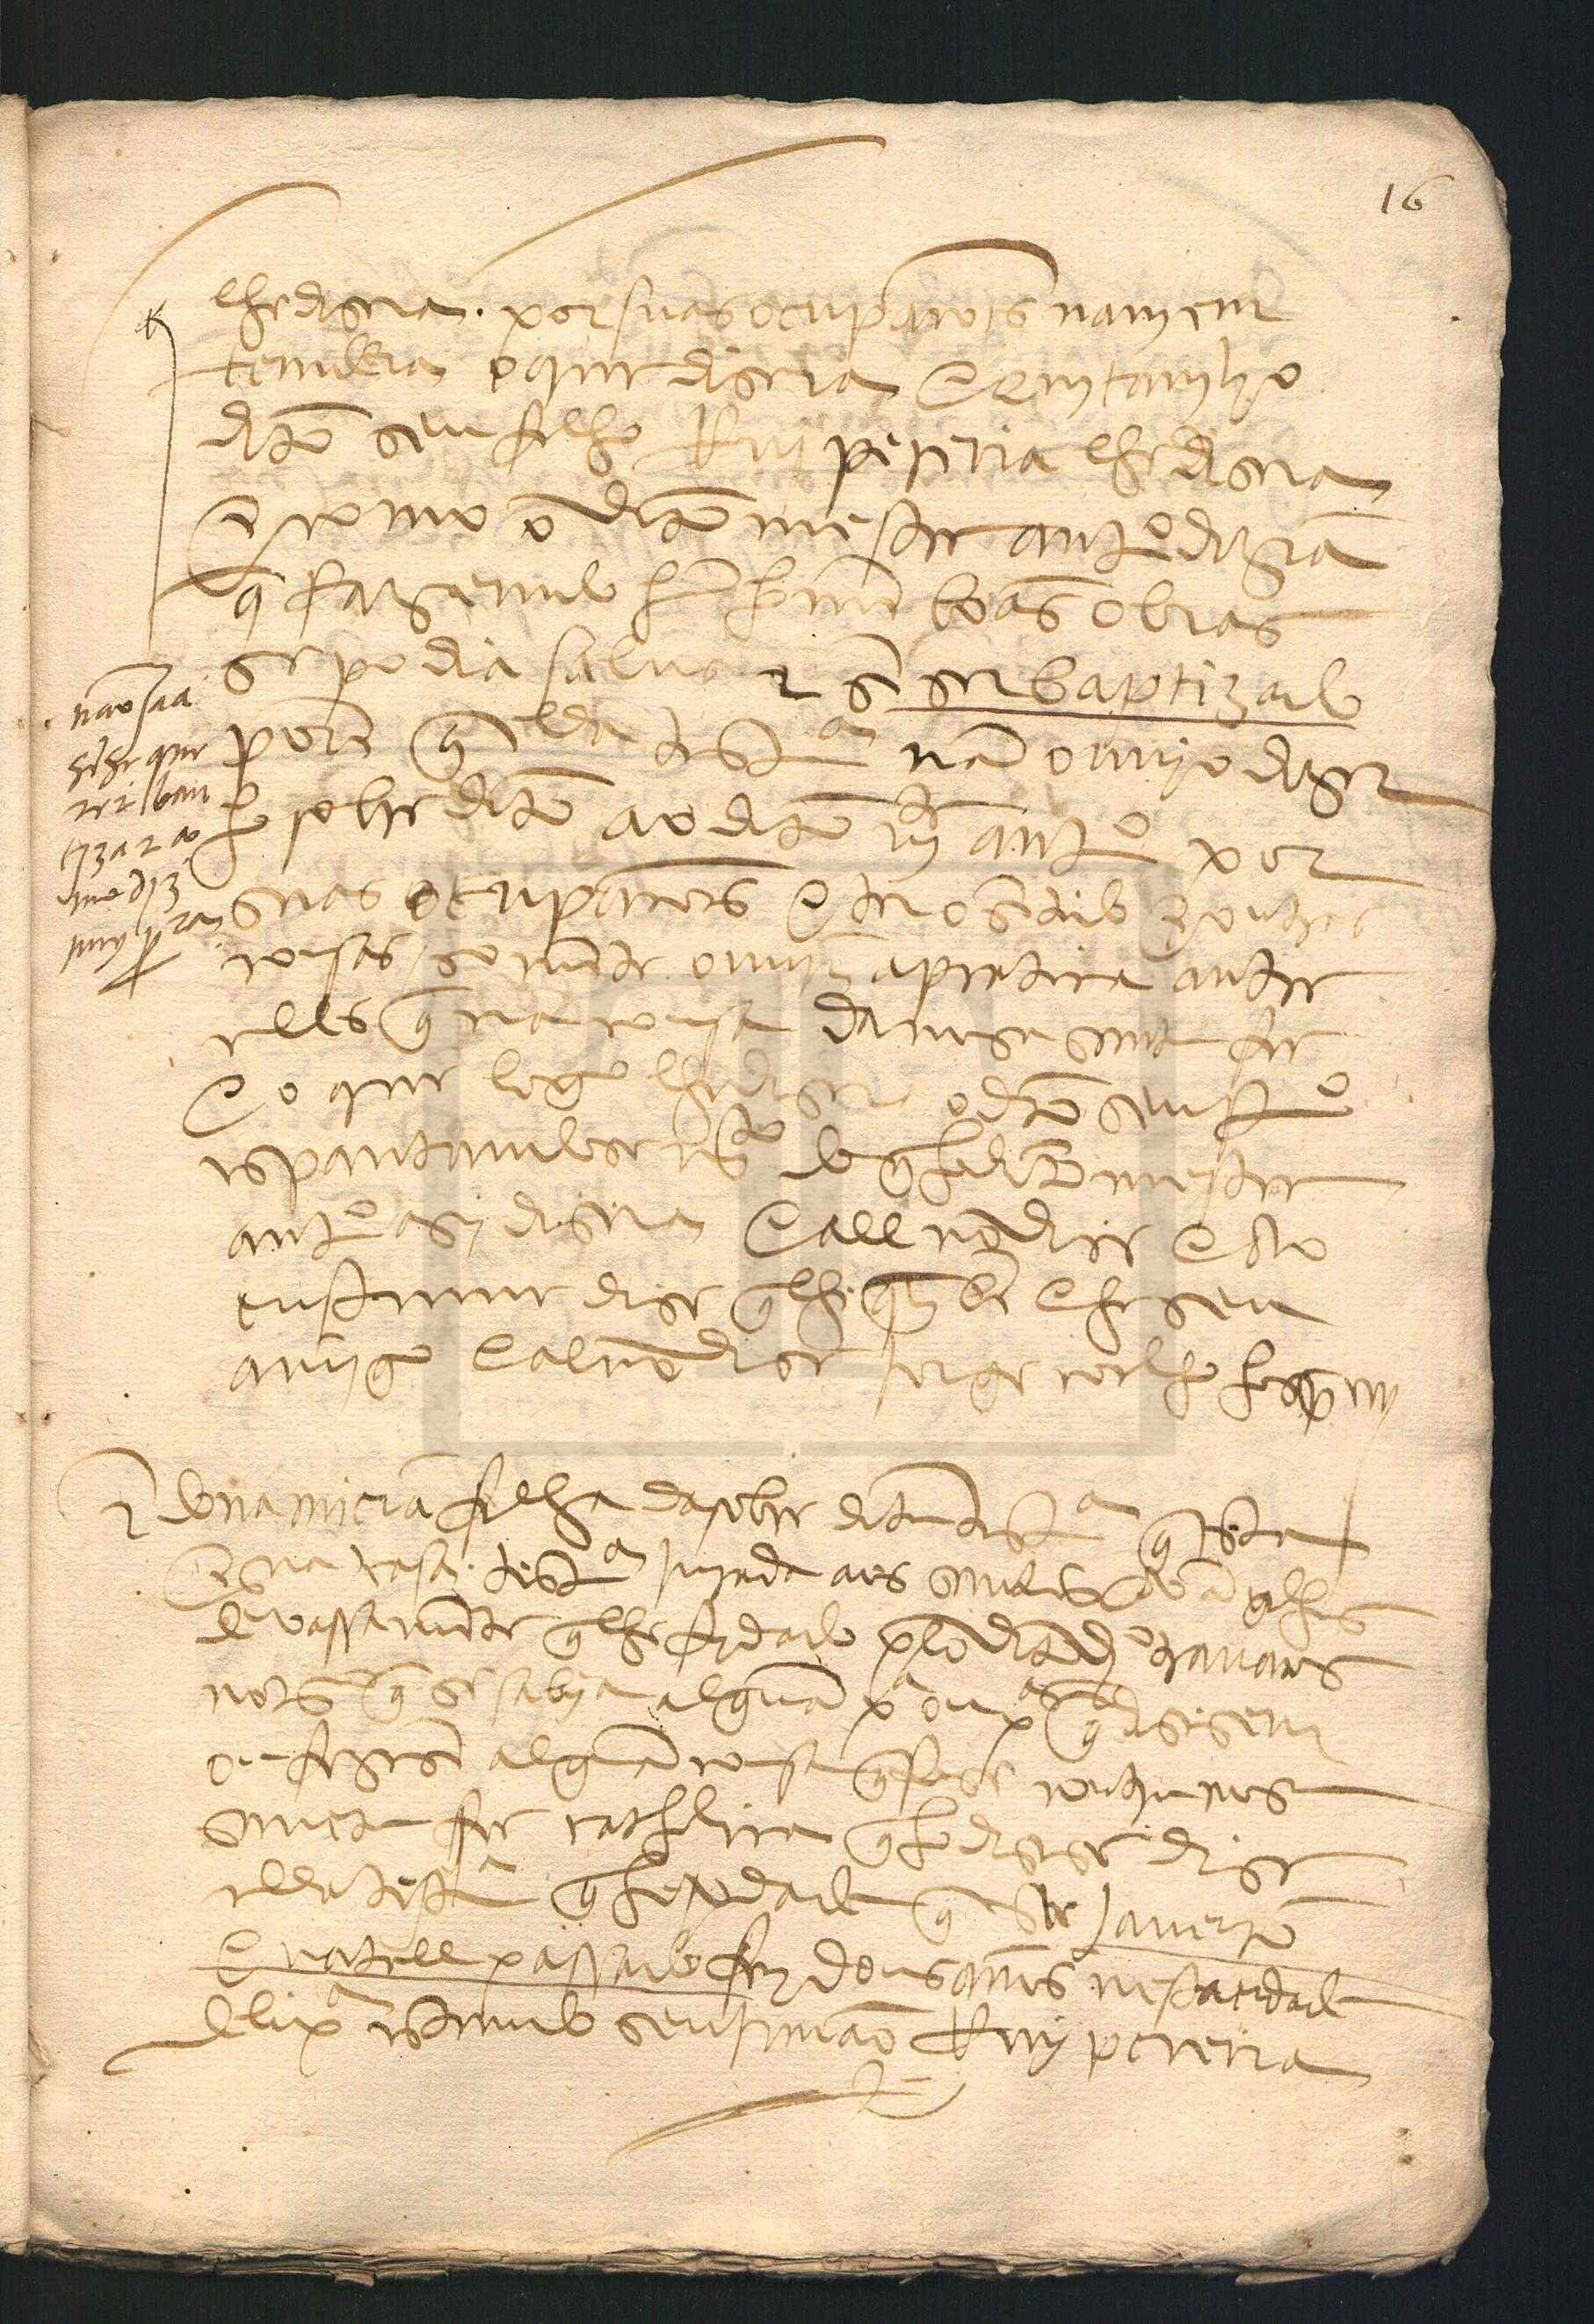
16
lhe disera. por suas ocupacões nam em
temdera o que disera e emtam ho
dit̄o seu filho Ruj pereira lhe disera
ē como o dit̄o mestre anto dizia
q̄ fazendo hū homē boās obras
se podia saluar sē ser baptizado
porē q̄ ella testa nā ouujo dizer
ho sobredit̄o ao dit̄o mte anto por
suas ocupacões e ter o sētido ē outras
cousas / somēte ouujr a pratica antre
elles q̄ era cousa da nosa samta fee
e o que logo lhe disera o dt̄o seu fo
espantamdose mto do q̄ ho dt̄o mestre
anto asy disera e all nō dise e Ao
custume dise q̄ lhe q̄r bē e he seu
amjgo e al n̄o dise Jorge coelho ho sp̄evy
item dona miçia filha da sobre dit̄a testa q̄ esta
ē sua casa. testa Jurada aos samtos evāgelhos
devassamēte q̄ lhe foy dado p̄lo dit̄o djo trauacos
notro q̄ se sabya algūa pa ou pas q̄ disesem
ou fezesē algūa cousa q̄ fose contra nosa
sancta ffee catholica q̄ ho disese dise
ella testa q̄ he ꝟdade q̄ este Janeiro
e natall passado fez dous an̄os nesta cidade
de lixa estamdo seu Jrmão Ruy pereira
não Jaa
sē se que
rer bau
tjzar co
mo djz
ruy ꝑra
